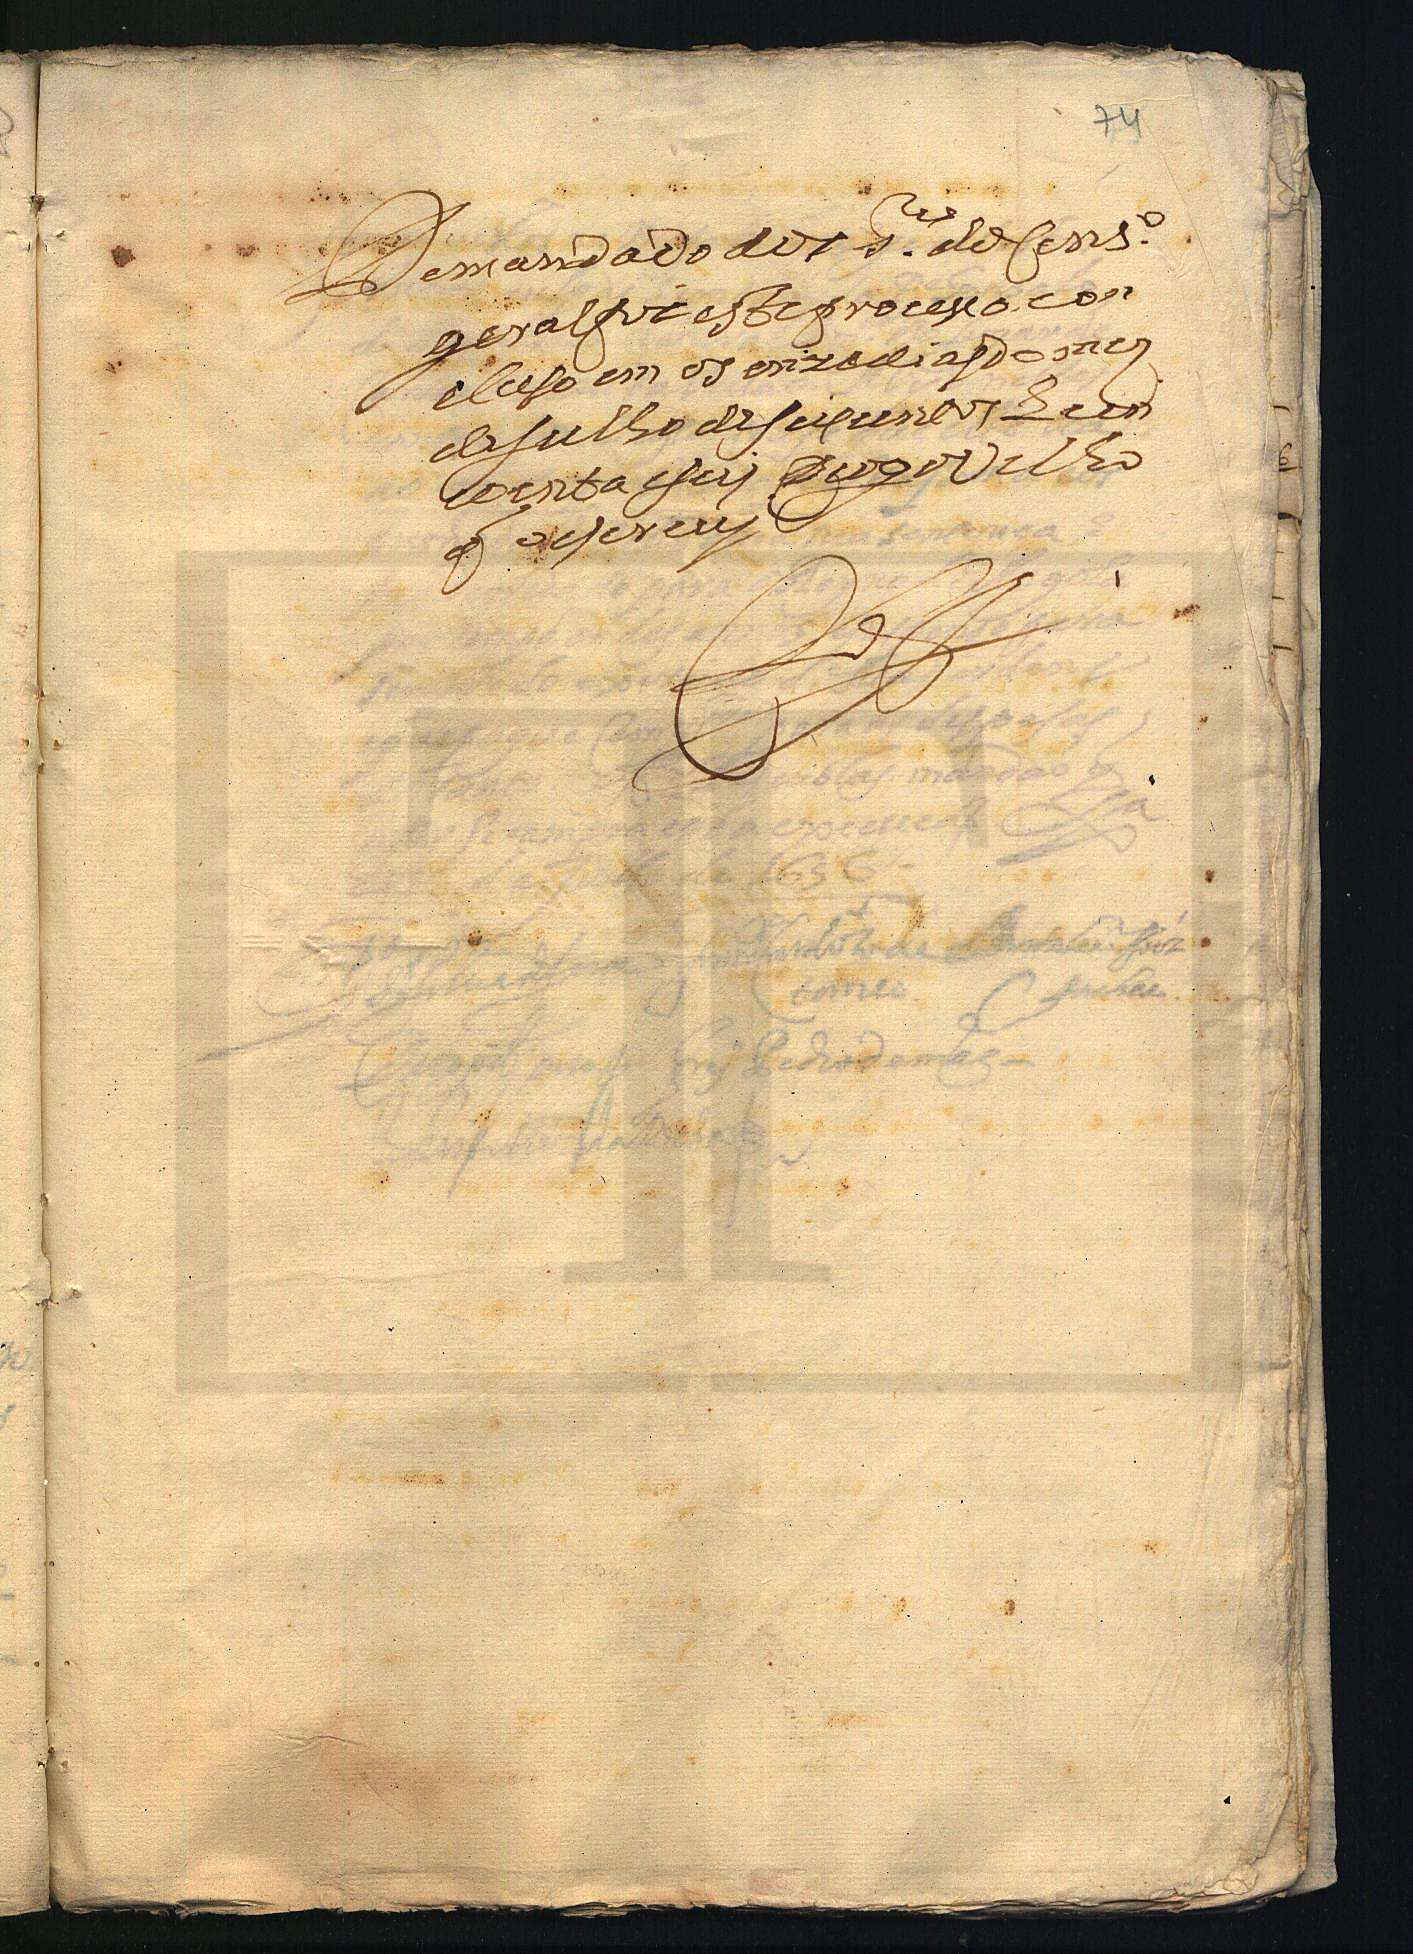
De mandado dos s.res do Cons.o
geral fiz este processo con
cluso em os onze dias do mez
de Julho de seiscentos E cin
coenta e seis Diogo Velho
q̄ o escreuj
CLo
